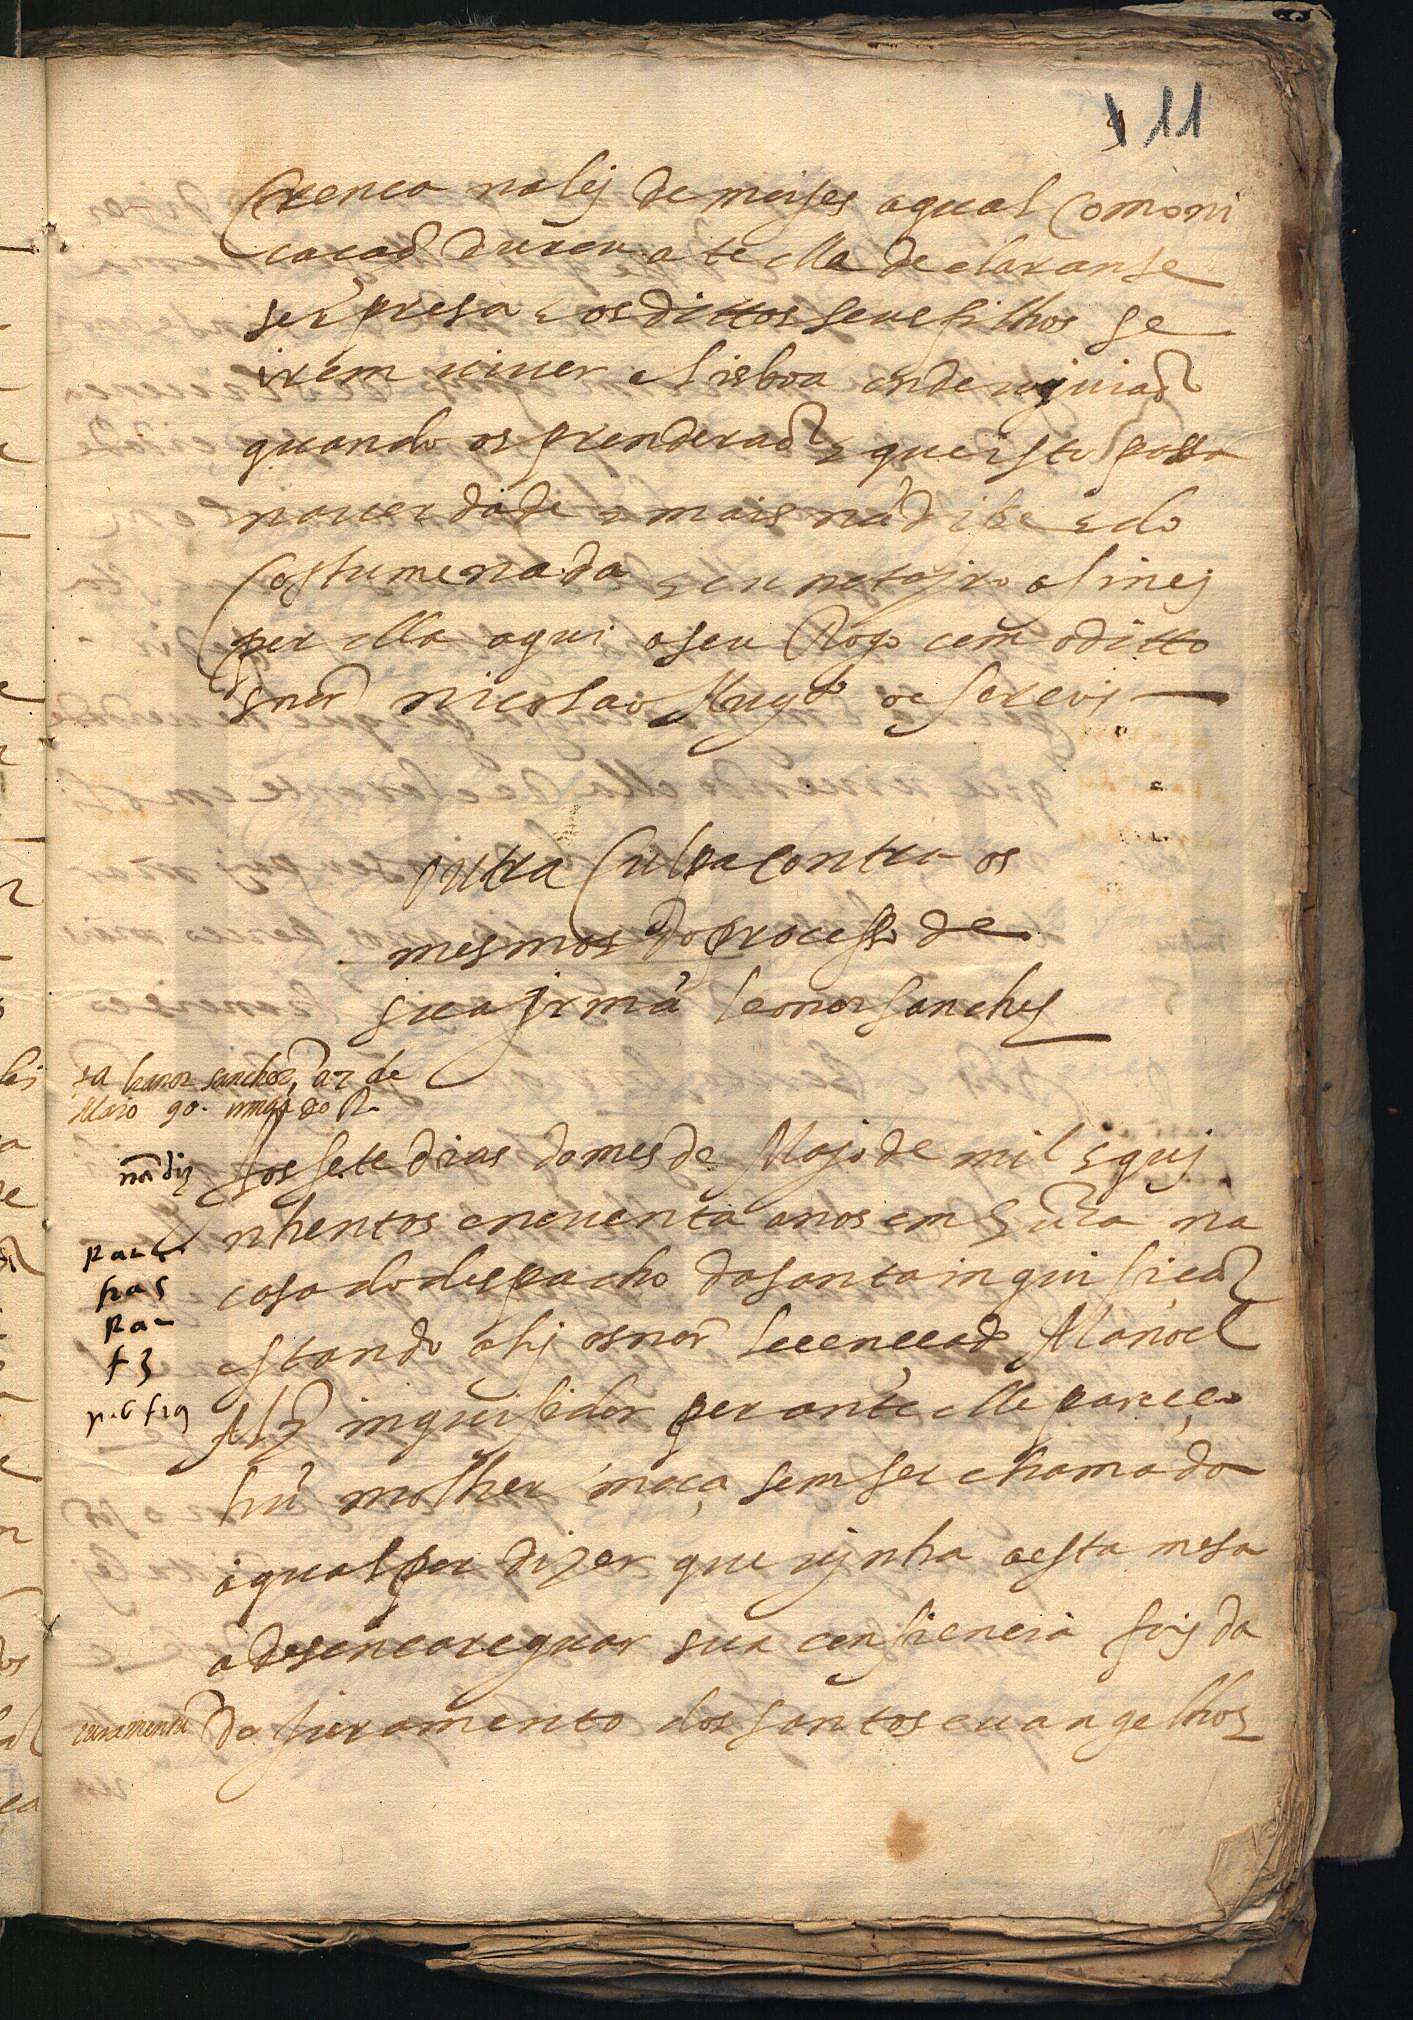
Crença na lej de Moises a qual Comoni
caçaõ durou ate ella declarante
ser presa e os dittos seus filhos se
irem uiuer a lisboa onde uiuiaõ
quando os prenderaõ e que isto passa
na uerdade e mais naõ disse e do
Costume nada e eu notajro asinej
per ella aqui a seu Rogo com o ditto
snor̄ nicolao Augto o escrevj
outra Culpa contra os
mesmos do pocesso de
sua jrmã Leonor Sanches
ta leanor sanchez, a 7 de
Maio 90. irmaã do R.
Aos sete dias do mes de Majo de mil E quj
nā diz
nhentos e nouenta anos em hūa na
par
paS
Ra.
casa do despacho da santa inquisiçaõ
estando ahj o snor̄ lecençeado Manoel
t 3
Alz̄ inquisidor perante elle pareçeo
p. 6 t 19
hū molher moça sem ser chamada
a qual por dizer que ujnha a esta mesa
a desencareguar sua consiencia foy da
iuramento
do juramento dos santos euangelhos
